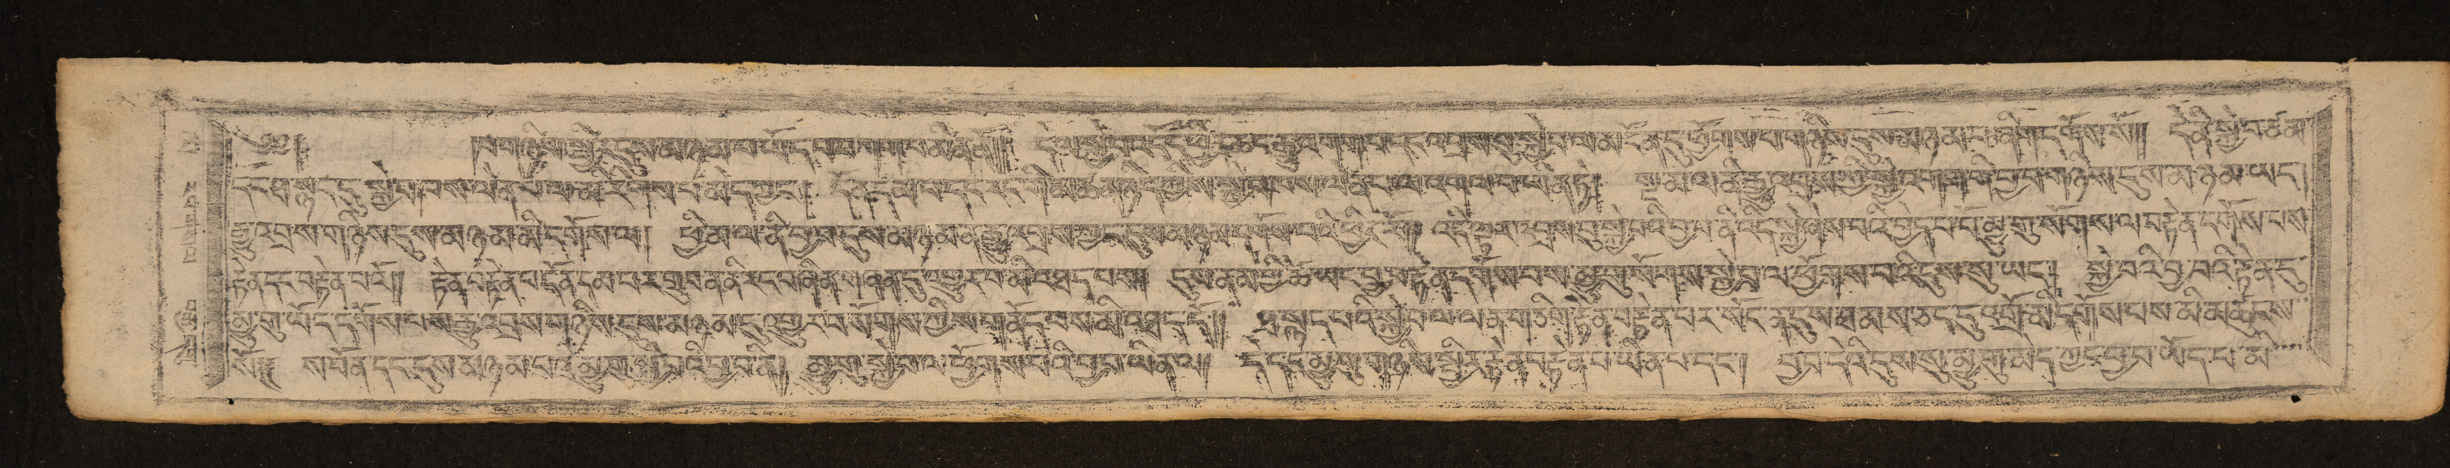༄༅། །བ་གཉིས་སྤྱིར་དུས་མཉམ་པ་ཡོད་པ་བཀག་པ་མིན་ནོ།། དེ་ལ་སྐྱེ་བ་འདོད་ཕྱིན་ཆད་རྒྱུ་འགག་པ་དང་འབྲས་བུ་སྐྱེ་བ་ལ་མངོན་དུ་ཕྱོགས་པ་གཉིས་དུས་མཉམ་པ་ཞིག་དགོས་སོ།། དེ་ནི་སྐྱེ་བ་ཙམ་
དང་ཐ་སྙད་དུ་སྐྱེ་བ་ཁས་ལེན་པ་ལ་མི་རིགས་པ་མེད་ཀྱང་། དོན་དམ་པ་དང་རང་གི་མཚན་ཉིད་ཀྱིས་སྐྱེ་བ་ཁས་ལེན་པ་ལ་འགལ་བ་ཡིན་ཏེ། སྔ་མ་ལ་ནི་རྒྱུ་འབྲས་ཀྱི་སྐྱེ་འགག་གི་བྱ་བ་གཉིས་དུས་མཉམ་ཡང་།
རྒྱུ་འབྲས་གཉིས་དུས་མཉམ་མི་དགོས་ལ། ཕྱི་མ་ལ་ནི་བྱ་བ་དུས་མཉམ་ན་རྒྱུ་འབྲས་ཀྱང་དུས་མཉམ་དགོས་པའི་ཕྱིར་རོ།། འདི་ལྟར་འབྲས་བུ་སྐྱེ་བའི་བྱ་བ་ནི་འདི་སྐྱེ་ཞེས་པའི་བྱེད་པ་པོ་མྱུ་གུ་སོགས་ལ་བརྟེན་དགོས་པས་
རྟེན་དང་བརྟེན་པའོ།། རྟེན་བརྟེན་པ་དོན་དམ་པར་གྲུབ་ན་ནི་རང་བཞིན་གཞན་དུ་འགྱུར་བ་མི་འཐད་པས། དུས་ནམ་གྱི་ཚེ་ཡང་བྱ་བ་རྟེན་དགོས་པས་མྱུ་གུ་སོགས་སྐྱེ་བ་ལ་ཕྱོགས་པའི་དུས་སུ་ཡང་། སྐྱེ་བའི་བྱ་བའི་རྟེན་དུ་
མྱུ་གུ་ཡོད་དགོས་པས་རྒྱུ་འབྲས་གཉིས་དུས་མཉམ་དུ་འགྱུར་བ་སོགས་ཀྱིས་གནོད་པས་མི་འཐད་དོ།། ཐ་སྙད་པའི་སྐྱེ་བ་ལ་ལན་ཅིག་རྟེན་བརྟེན་པར་སོང་ན་དུས་ཐམས་ཅད་དུ་འགྲོ་མི་དགོས་པས་མི་མཚུངས་
སོ༑༑ ས་བོན་དང་དུས་མཉམ་པའི་མྱུ་གུ་སྐྱེ་བའི་བྱ་བ་ནི། མྱུ་གུ་སྐྱེ་བ་ལ་ཕྱོགས་པའི་བྱ་བ་ཡིན་ལ། དེ་དང་མྱུ་གུ་གཉིས་སྤྱིར་རྟེན་བརྟེན་པ་ཡིན་པ་དང་། བྱ་བ་དེའི་དུས་སུ་མྱུ་གུ་མེད་ཀྱང་བྱ་བ་ཡོད་པ་མི་